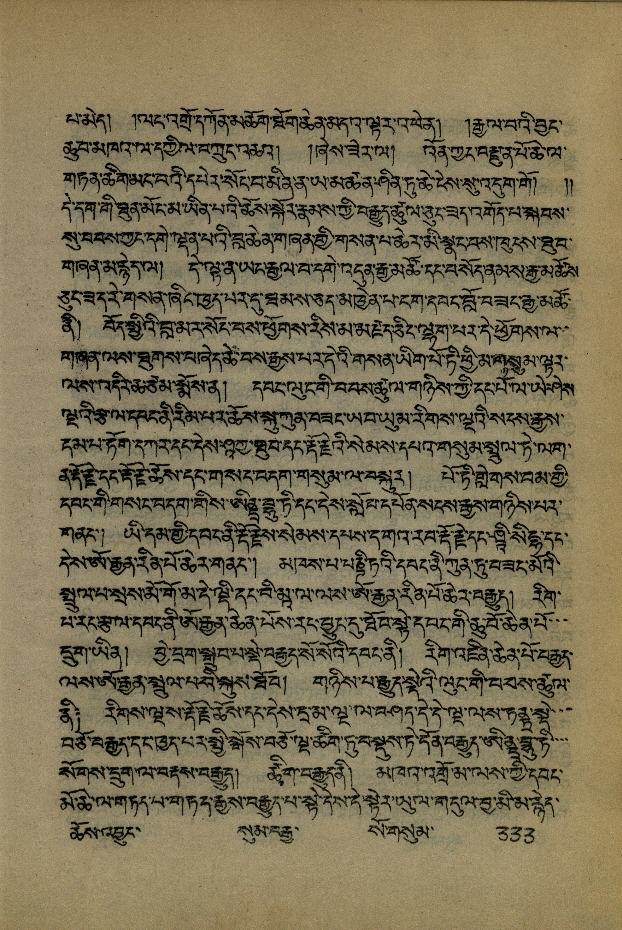པ་མེད། །ལང་འགྲོ་དཀོན་མཆོག་ཐོག་ཆེན་མདའ་ལྟར་འཕེན། །རྒྱལ་བའི་བྱང་
ཆུབ་མཁའ་ལ་དཀྱིལ་བཀྲུང་འཆའ། །ཞེས་ཟེར་ལ། འོན་ཀྱང་བརྫུན་པོ་ཆེ་ལ་
གཏན་ཚིག་མང་བའི་དཔེར་སོང་བ་མིན་ན་ཡ་མཚན་ཤིན་ཏུ་ཆེ་ངེས་སུ་འདུག་གོ། །།
དེ་དག་གི་ཐུན་མོང་མ་ཡིན་པའི་ཆོས་སྐོར་རྣམས་ཀྱི་བརྒྱུད་ཚུལ་ཅུང་ཟད་འགོད་པ་སྐབས་
སུ་བབས་ཀྱང་དགེ་ལྡན་པའི་བླ་ཆེན་གཞན་གྱི་གསན་པ་ཆེར་མི་སྣང་བས་ཁུངས་ཐུབ་
གཞན་མ་རྙེད་ལ། དེ་ལྟ་ན་ཡང་རྒྱལ་བ་དགེ་དུན་རྒྱ་མཚོ་དང་བསྡོ་ནམས་རྒྱ་མཚོ་
ཅུང་ཟད་རེ་གསན་ཞིང་ཁྱད་པར་དུ་ཐམས་ཅད་མཁྱེན་པ་ངག་དབང་བློ་བཟང་རྒྱ་མཚོ་
ནི། བོད་སྤྱིའི་བླ་མར་སོང་བས་ཕྱོགས་རིས་མ་མཛད་ཅིང་ལྷག་པར་བྱེད་དེ་ཕྱོགས་ལ་
གཞན་ལས་ཐུགས་པ་ཞེད་ཆེ་བས་རྒྱས་པར་དེའི་གསན་ཡིག་པོ་ཏི་ཕྱི་མ་གསུམ་ལྟར་
ལས་འདིར་ཆ་ཙམ་སྨོས་ན། དབང་ལུང་གི་བབས་ཚུལ་གཉིས་ཀྱི་དང་པོ་ལ་ཡེ་ཤེས་
ལྔའི་རྩལ་དབང་ནི་རིམ་པར་ཆོས་སྐུ་ཀུན་བཟང་ཡབ་ཡུམ་རིགས་ལྔའི་སངས་རྒྱས་
དམ་པ་ཏོག་དཀར་དང་དེས་ཤཱཀྱ་ཐུབ་དང་རྡོ་རྗེའི་སེམས་དཔའ་གསུམ་སྤྲུལ་ཏེ་ལག་
ན་རྡོ་རྗེ་དང་རྡོ་རྗེ་ཆོས་དང་གསང་བདག་གསུམ་ལ་བསྐུར། པོ་ཏི་གླེགས་བམ་གྱི་
དབང་གི་གསང་བདག་གིས་ཨིནྡྲ་བྷུ་ཏི་དང་དེས་སློབ་དཔོན་སངས་རྒྱས་གཉིས་པར་
གནང་། ཡི་དམ་གྱི་དབང་ནི་རྡོ་རྗེས་སེམས་དཔས་དགའ་རབ་རྡོ་རྗེ་དང་ཤྲཱི་སིདྷ་དང་
དེས་ཨོ་རྒྱན་རིན་པོ་ཆེར་གནང་། མཁས་པ་པཎྜི་ཏའི་དབང་ནི་ཀུན་ཏུ་བཟང་མོའི་
སྤྲུལ་པ་སྲས་མོ་གོ་མ་དེ་ལྡི་དང་བི་མཱ་ལ་ལས་ཨོ་རྒྱན་རིན་པོ་ཆེར་བརྒྱུད། རིག་
པ་རང་རྩལ་དབང་ནི་ཨོ་རྒྱན་ཆེན་པོས་རང་བྱུང་དུ་ཐོབ་སྟེ་དབང་གི་ཆུ་བོ་ཆེན་པོ་
དྲུག་ཡིན། བྱེ་བྲག་སྒྲུབ་པ་སྡེ་བརྒྱད་སོ་སོའི་དབང་ནི། རིག་འཛིན་ཆེན་པོ་བརྒྱད་
ལས་ཨོ་རྒྱན་སྤྲུལ་པའི་སྐུས་ཐོབ། གཉིས་པ་རྒྱུད་སྡེའི་ལུང་གི་བབས་ཚུལ་
ནི༑ རིགས་ལྔས་རྡོ་རྗེ་ཆོས་དང་དེས་དྲ་མ་ལྔ་ལ་བཤད་དེ་དེ་ལྔ་ལས་ཏནྟྲ་སྡེ་
བཅོ་བརྒྱད་དང་ཁྱད་པར་སྤྱི་སྒོས་བཅོ་ལྔ་ཚིག་ཏུ་བསྡུས་ཏེ་དོན་བརྒྱུད་ཨིནྡྲ་བྷུ་ཏི་
སོགས་དྲུག་ལ་བརྡས་བརྒྱུད། ཚིག་བརྒྱུད་ནི། མཁའ་འགྲོ་མ་ལས་ཀྱི་དབང་
མོ་ཆེ་ལ་གཏད་པ་གཏད་རྒྱས་བརྒྱུད་པ་སྟེ་དེ་སྟེར་ཡུལ་གདུལ་བྱ་མི་མ་རྙེད་